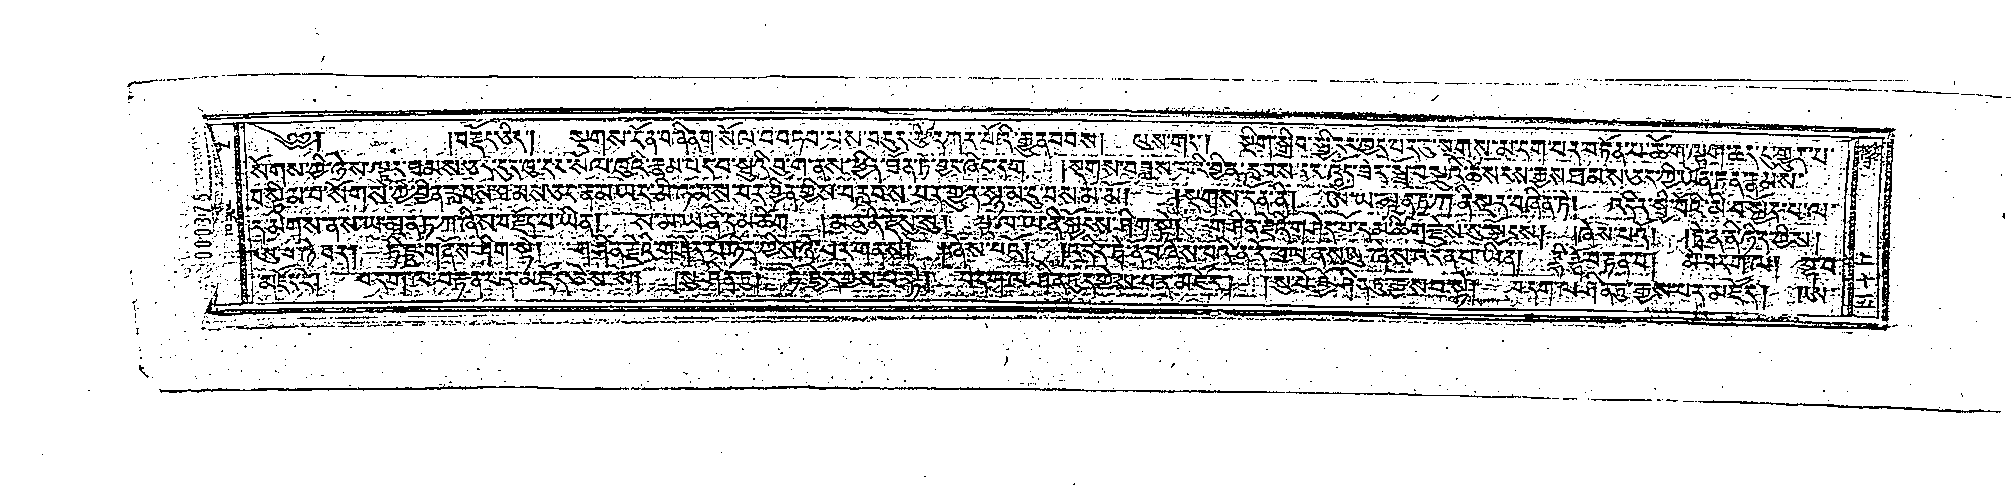༄༅། །བརྗོད་ཅིང་། སྔགས་དོན་བཞིན་གསོལ་བ་བཏབ་པས་བདུད་རྩི་དཀར་པོའི་རྒྱུན་བབས། ལུས་གང་། སྡིག་སྒྲིབ་སྤྱི་རང་ཁྱད་པར་དུ་སྔགས་མ་དག་པར་བཏོན་པ་ཆོ་ག་ལྟག་ཆད་དུ་གྱུར་པ་
སེམས་ཀྱི་ཉེས་ལྟུང་ཐམས་ཅད་དུད་ཁུ་དང་སོལ་ཁུའི་རྣམ་པར་བ་སྤུའི་བུ་ག་ནས་ཕྱིར་ཐོན་ཏེ་བྱང་ཞིང་དག །སྔགས་བཟླས་པའི་བྱིན་རླབས་དང་འོད་ཟེར་སྤྲོ་བསྡུའི་ཚེ་སངས་རྒྱས་ཐམས་ཅད་ཀྱི་ཡོན་ཏན་རྣམས་
བསྟིམ་པ་སོགས་ཀྱི་བྱིན་རླབས་ཐམས་ཅད་རྣམ་ཡང་མི་ཉམས་པར་བྱིན་གྱིས་བརླབས་པར་གྱུར་སྙམ་དུ་བསམ་མོ། །སྔགས་དོན་ནི། ཨོཾ་ཡ་མཱ་ན་ཏ་ཀ་ནི་སྔར་བཞིན་ཏེ། འདིར་སྦྱི་བོའི་མི་བསྐྱོད་པ་ལ་
དམིགས་ནས་ཡ་མཱན་ཏ་ཀ་ཞིས་བརྗོད་པ་ཡིན། ས་མ་ཡ་ནི་དམ་ཚིག། །མ་ནུ་ནི་རྗེས་སུ། པཱ་ལ་ཡ་ནི་སྐྱོངས་ཤིག་སྟེ། གཤིན་རྗེའི་གཤེད་པོ་དམ་ཚིག་རྗེས་སུ་སྐྱོངས། །ཞེས་པའོ། །ཏེ་ན་ནི་ཉིད་ཀྱིས།
ཨུ་པ་ཉེ་བར། ཏིཥཊཿཨ་གནོས་ཤིག་སྟེ། གཤིན་རྗེའི་གཤེད་པོ་ཉིད་ཀྱིས་ཉེ་པར་གནས། །ཞེས་པའོ། །འདིར་ཏྭེ་ནོ་པ་ཞེས་པའི་ན་རོ་ཕྲལ་ནས་ཨུ་ཞེས་འདོད་པ་ཡིན། ཊྷི་ཌྷོ་བརྟན་པ། མེ་བདག་ལ། བྷ་བ་
མཛོད་དེ། བདག་ལ་བརྟན་པར་མཛོད་ཅེས་སོ། །སུ་ཤིན་ཏུ། ཏོ་ཥྱོ་ང་གྱེ་པ་སྟེ། བདག་ལ་ཤིན་ཏུ་དགྱེས་པར་མཛོད། །སུ་པོ་ཥྱོ་ཤིན་ཏུ་རྒྱས་བ་སྟེ། བདག་ལ་ཤིན་ཏུ་རྒྱས་པར་མཛོད། །ཨ་